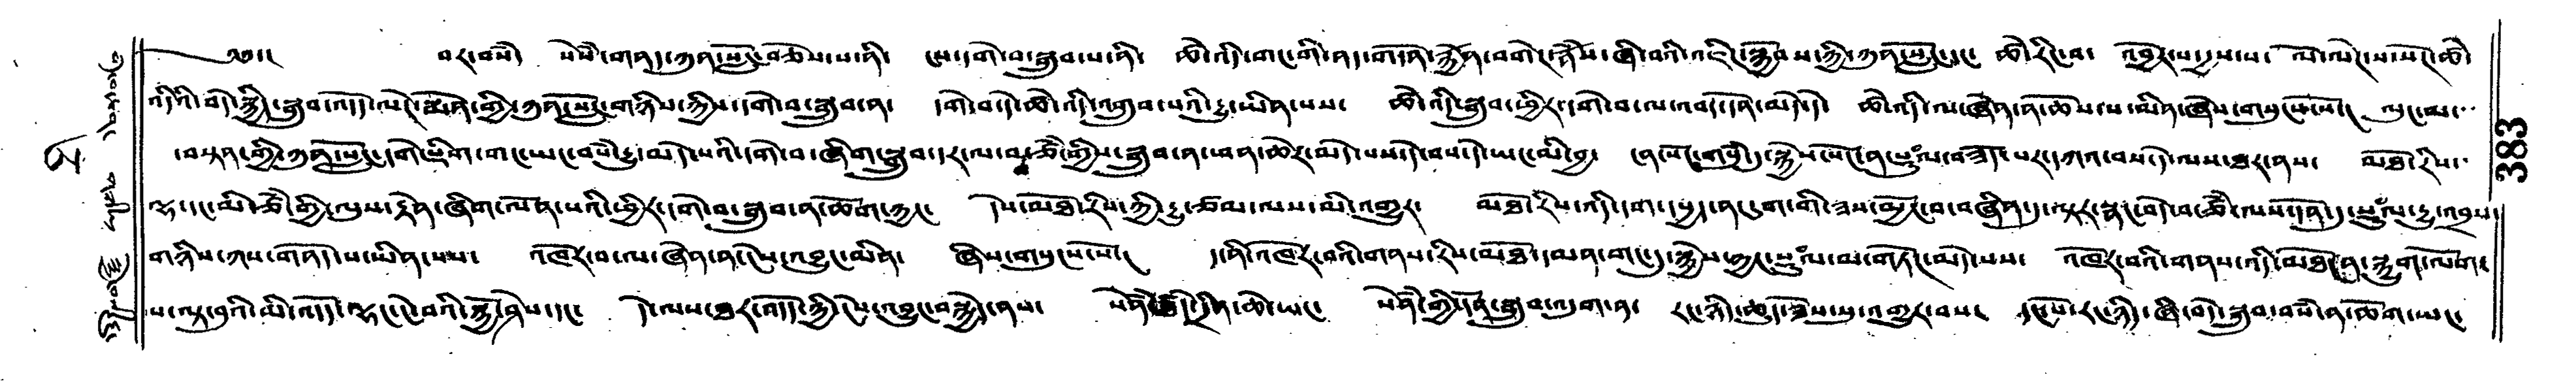བར་བསམ། སེམས་གནད་ཀུན་སློང་བཅོས་པ་ནི། ངས་དགེ་བ་སྒྲུབ་པ་ནི་ཚེ་འདི་གང་གི་ནད་གདོན་རྐྱེན་བགེགས་རྣམས་ཞི་བའི་འཇིགས་སྐྱོབ་ཀྱི་ཀུན་སློང་དང་། ཚེ་རིང་བ། འབྱོར་པ་རྒྱས་པ། ལོ་ལེགས་པ་སོགས་ཚེ་
འདིའི་བདེ་སྐྱིད་སྒྲུབ་འདོད་ལེགས་སྨོན་གྱི་ཀུན་སློང་གཉིས་ཀྱིས་དགེ་བ་སྒྲུབ་ན་དགེ་བ་དེ་ཚེ་འདི་འགྲུབ་པའི་རྒྱུ་ཡིན་པས། ཚེ་འདི་སྒྲུབ་ཕྱིར་དགེ་བ་ལ་འབད་དོན་མེད་དོ། ཚེ་འདི་ལ་ཞེན་ན་ཆོས་པ་མིན་ཞེས་གསུངས་སོ། ལུང་མ་
བསྟན་གྱི་ཀུན་སློང་དགེ་སྡིག་གང་ཡང་བསམ་རྒྱུ་མེད་པའི་དགེ་བ་ཞིག་སྒྲུབ་དར་པ་ཙམ་གྱིས་ཕན་ཡོན་ཆེར་མེད་པས་དེ་བས་དེ་ཡང་མི་བྱ། ངན་སོང་གསུམ་དུ་སྐྱེས་སོང་ན་སྡུག་བསྔལ་བཟོད་པར་དཀའ་བས་དེ་ལས་ཐར་ནས་མཐོ་རིས་
ལྷ་དང་མི་ཙམ་གྱི་ལུས་རྟེན་ཞིག་ལོན་པའི་ཕྱིར་དགེ་བ་སྒྲུབས་ན་ཆོག་ཀྱང་དེས་མཐོ་རིས་ཀྱི་རྒྱུ་ཙམ་ལས་མི་འགྱུར།མཐོ་རིས་འདི་དག་ལ་དཔྱད་ན་དུག་གི་ཟས་མྱོང་བ་བཞིན་དུ་ལྟར་སྣང་བདེ་བ་ཙམ་ལས་དོན་དུ་སྡུག་བསྔལ་རྒྱུ་འབྲས་
གཉིས་ཀས་གནོད་པ་ཡིན་ལ། འཁོར་བ་ལ་ཞེན་ན་ངེས་འབྱུང་མིན། ཞེས་གསུངས་སོ། ད་ནི་འཁོར་བའི་གནས་རིས་མཐོ་དམན་གང་དུ་སྐྱེས་ཀྱང་སྡུག་བསྔལ་མ་གཏོགས་མེད་པས་འཁོར་བའི་གནས་འདི་མཐོང་ན་སྐྱུག་ལོག་
པ་ལྟ་བུའི་མི་འདོད་ལྷང་ངེ་བའི་སྐྱོ་ཤས་དང་། དེ་ལས་ཐར་འདོད་ཀྱི་ངེས་འབྱུང་བསྐྱེད་ནས་སེམས་ཅན་ཐམས་ཅད་དྲིན་ཆེ་ཡང་སེམས་ཅན་གྱི་དོན་སྒྲུབ་འདུག་ན་རང་ཉིད་ཆུད་ཟོས་སུ་འགྱུར་བས། དང་པོ་རང་ཉིད་ཞི་བདེ་སྒྲུབ་བསམ་ན་ཆོག་ཀྱང་།